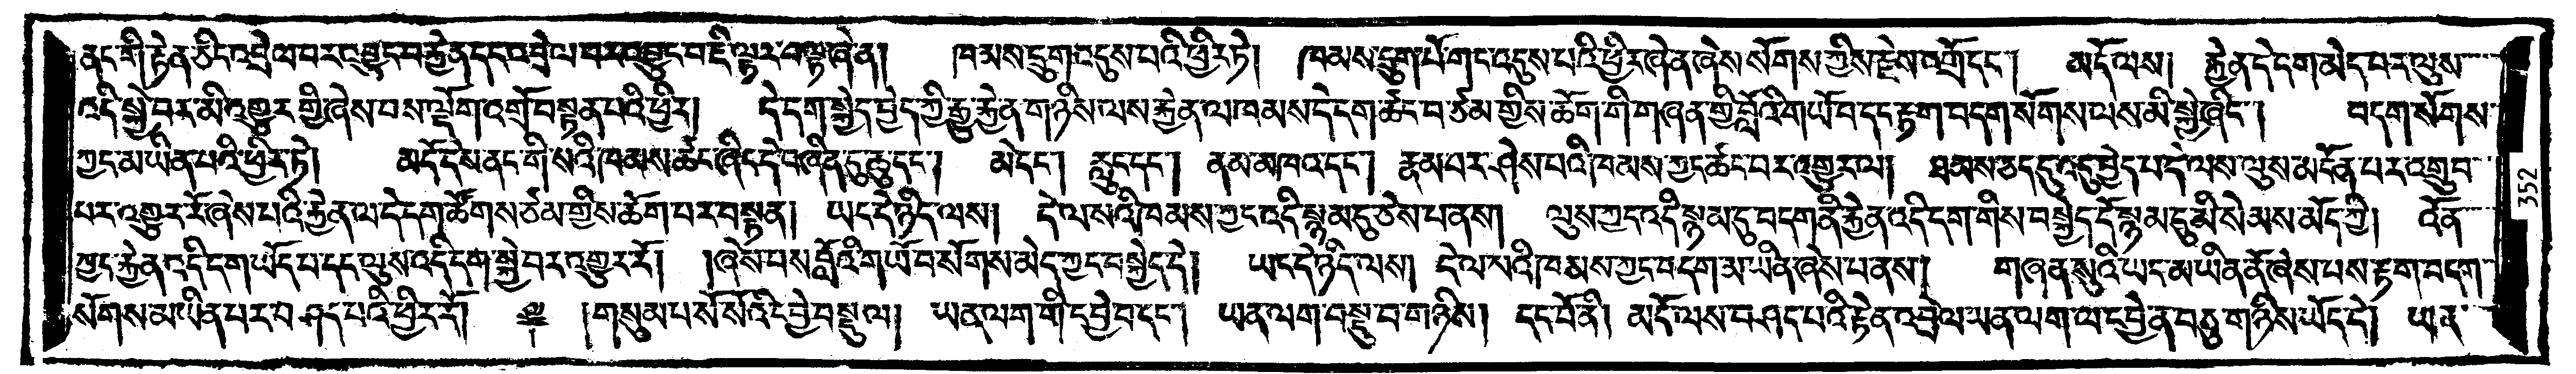ནང་གི་རྟེན་ཅིང་འབྲེལ་པར་འབྱུང་བ་རྐྱེན་དང་འབྲེལ་བར་འབྱུང་བ་ཇི་ལྟར་བལྟ་ཞེ་ན། ཁམས་དྲུག་འདུས་པའི་ཕྱིར་ཏེ། ཁམས་དྲུག་པོ་གང་འདུས་པའི་ཕྱིར་ཞེན་ཞེས་སོགས་ཀྱིས་རྗེས་འགྲོ་དང་། མདོ་ལས། རྐྱེན་དེ་དག་མེད་པར་ལུས་
འདི་སྐྱེ་བར་མི་འགྱུར་གྱི་ཞེས་པས་ལྡོག་འགྲོ་བསྟན་པའི་ཕྱིར། དེ་དག་སྐྱེད་བྱེད་ཀྱི་རྒྱུ་རྐྱེན་གཉིས་ལས་རྐྱེན་ལ་ཁམས་དེ་དག་ཚང་བ་ཙམ་གྱིས་ཆོག་གི་གཞན་གྱི་བློའི་གཡོ་བ་དང་རྟག་བདག་སོགས་ལས་མི་སྐྱེ་ཞིང་། བདག་སོགས་
ཀྱང་མ་ཡིན་པའི་ཕྱིར་ཏེ། མདོ་དེས་ནང་གི་སའི་ཁམས་ཚང་ཞིང་དེ་བཞིན་དུ་ཆུ་དང་། མེ་དང་། རླུང་དང་། ནམ་མཁའ་དང་། རྣམ་པར་ཤེས་པའི་ཁམས་ཀྱང་ཚང་བར་འགྱུར་ལ། ཐམས་ཅད་དུ་འདུ་བྱེད་པ་དེ་ལས་ལུས་མངོན་པར་འགྲུབ་
པར་འགྱུར་རོ་ཞེས་པའི་རྐྱེན་ལ་དེ་དག་ཚོགས་ཙམ་གྱིས་ཆོག་པར་བསྟན། ཡང་དེ་ཉིད་ལས། དེ་ལ་སའི་ཁམས་ཀྱང་འདི་སྙམ་དུ་ཅེས་པ་ནས། ལུས་ཀྱང་འདི་སྙམ་དུ་བདག་ནི་རྐྱེན་འདི་དག་གིས་བསྐྱེད་དོ་སྙམ་དུ་མི་སེམས་མོད་ཀྱི། འོན་
ཀྱང་རྐྱེན་འདི་དག་ཡོད་པ་དང་ལུས་འདི་དག་སྐྱེ་བར་འགྱུར་རོ། །ཞེས་པས་བློའི་གཡོ་བ་སོགས་མེད་ཀྱང་བསྐྱེད་དེ། ཡང་དེ་ཉིད་ལས། དེ་ལ་སའི་ཁམས་ཀྱང་བདག་མ་ཡིན་ཞེས་པ་ནས། གཞན་སུའི་ཡང་མ་ཡིན་ནོ་ཞེས་པས་རྟག་བདག་
སོགས་མ་ཡིན་པར་བཤད་པའི་ཕྱིར་རོ། ༈ །གསུམ་པ་སོ་སོའི་དབྱེ་བསྡུ་ལ། ཡན་ལག་གི་དབྱེ་བ་དང་། ཡན་ལག་བསྡུ་བ་གཉིས། དང་པོ་ནི། མདོ་ལས་བཤད་པའི་རྟེན་འབྲེལ་ཡན་ལག་ལ་དབྱེ་ན་བཅུ་གཉིས་ཡོད་དེ། ཡན་